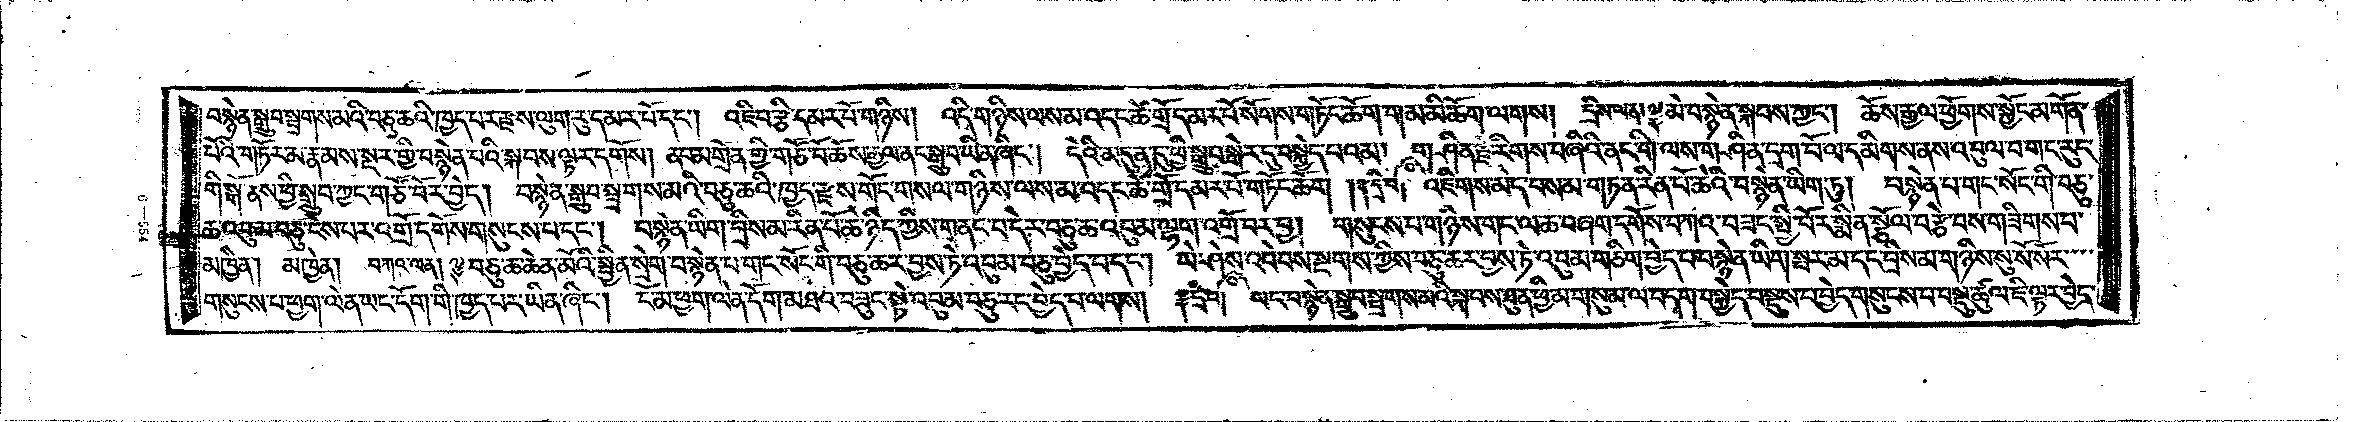བསྙེན་སྒྲུབ་སྦྲགས་མའི་བཅུ་ཆའི་ཁྱད་པར་རྫས་ལུག་རུ་དམར་པོ་དང་། འཇིབ་རྩི་དམར་པོ་གཉིས། འདི་གཉིས་ལས་མ་འདང་ཚེ་གྲོ་དམར་པོ་སོགས་གཏོང་ཆོག་གམ་མི་ཆོག་ལགས། དྲིས་ལན།  ༈ མེ་བསྙེན་སྐབས་ཀྱང་། ཆོས་རྒྱལ་ཕྱོགས་སྐྱོང་མགོན་
པོའི་གཏོར་མ་རྣམས་སྔར་གྱི་བསྙེན་པའི་སྐབས་ལྟར་དགོས། ནབ་མགྲོན་གྱི་གཙོ་བོ་ཆོས་རྒྱལ་ནང་སྒྲུབ་ཡིན་ཞིང་། དེའི་མདུན་དུ་ཕྱི་སྒྲུབ་སྒེར་དུ་བསྐྱེད་པའམ། གཤིན་རྗེ་རིགས་བཞིའི་ནང་གི་ལས་གཤིན་དྲག་བོ་ལ་དམིགས་ནས་འབུལ་བ་གང་རུང་
ཕ༹གི་སྒོ་ནས་ཕྱི་སྒྲུབ་ཀྱང་གཙོ་བོར་བྱེད། བསྙེན་སྒྲུབ་སྦྲགས་མའི་བཅུ་ཆའི་ཁྱད་རྫས་གོང་གསལ་གཉིས་ལས་མ་འདང་ཚེ་གྲོ་དམར་པོ་གཏོང་ཆོག ། །༈དྲི་བ།  ༼྾༽ འཇིགས་མེད་བསམ་གཏན་རིན་པོ་ཆེའི་བསྙེན་ཡིག་ཏུ། བསྙེན་པ་གང་སོང་གི་བཅུ་
ཆ་འབུམ་བཅུ་ངེས་པར་འགྲོ་དགོས་གསུངས་པ་དང་། བསྙེན་ཡིག་བྲིས་མ་རིན་པོ་ཆེ་ཉིད་ཀྱིས་གནང་བ་དེར་བཅུ་ཆ་འབུམ་ལྷག་འགྲོ་བར་བྱ། གསུངས་པ་གཉིས་གང་ལ་ཆ་བཞག་དགོས་བཀའ་བཟང་སྤྱི་བོར་སྨིན་སྩོལ་བརྩེ་བས་གཟིགས་པ་
ཕ༹མཁྱེན། མཁྱེན། བཀའ་ལན། ༈ བཅུ་ཆ་ཆེན་མོའི་སྦྱིན་སྲེག་བསྙེན་པ་གང་སོང་གི་བཅུ་ཆར་བྱས་ཏེ་འབུམ་བཅུ་བྱེད་པ་དང་། ཡེ་ཤེས་འབེབས་སྔགས་ཀྱིས་བཅུ་ཆར་བྱས་ཏེ་འབུམ་གཅིག་བྱེད་པ་བསྙེན་ཡིག་སྤར་མ་དང་བྲིས་མ་གཉིས་སུ་སོ་སོར་
གསུངས་པ་ཕྱག་ལེན་ཡང་དོག་གི་ཁྱད་པར་ཡིན་ཞིང་། ངོ་མ་ཕྱག་ལེན་དོག་མཐའ་བཟུང་སྟེ་འབུམ་བཅུ་རང་བྱེད་པ་ལགས། ༈དྲི་བ།  ༼྾༽ ཡང་བསྙེན་སྒྲུབ་སྦྲགས་མའི་སྐབས་ཐུན་ཕྱི་མ་གསུམ་ལ་བདག་བསྐྱེད་བསྡུས་བ་བྱེད་གསུངས་པ་བསྡུ་ཚུལ་ཇི་ལྟར་བྱེད་
ཕ༹་